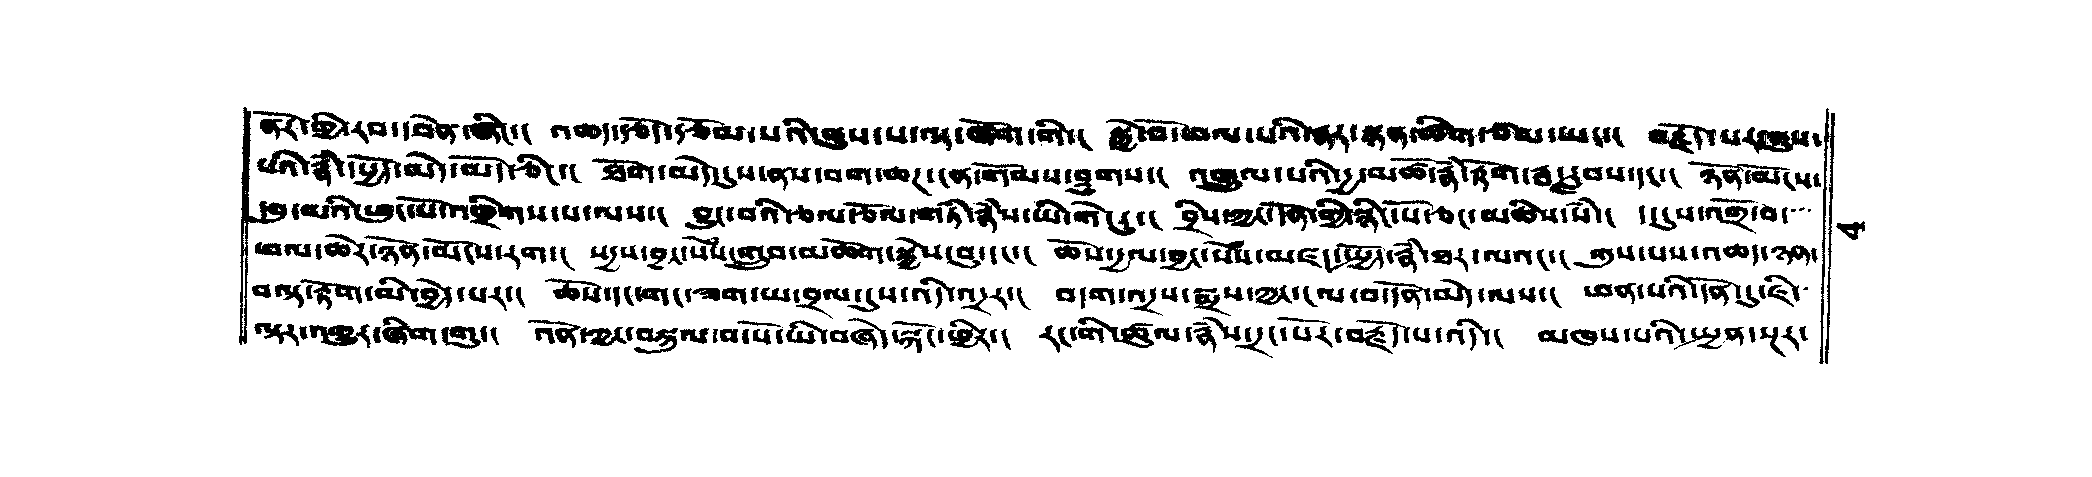ནོར་གྱི་རབ་དབེན་ཞིང་། །འཆད་རྩོད་རྩོམ་པའི་ནུས་པ་ལྟ་ཞོག་གི །སྐྱེ་བོ་ཕལ་པའི་རྣར་སྙན་ཚིག་ཙམ་ཡང་། །བརྗོད་པར་ནུས་
པའི་རྣམ་དཔྱོད་མེད་མོད་ཅིང་། །ཐོག་མེད་དུས་ནས་བག་ཆགས་ངན་གོམས་ཤུགས། །འཁྲུལ་པའི་རྒྱ་མཚོ་རྣམ་རྟོག་རྦ་རླབས་དང་། །ཉོན་མོངས་
དབུ་བའི་ཕུང་པོ་འཁྲིགས་པ་ལས། །བྱུང་བའི་ཅལ་ཅོལ་གཏམ་རྣམས་ཡི་གེ་རུ། །བྲིས་ཀྱང་དོན་གྱི་སྙིང་པོ་ཅང་མཆིས་སམ། །ད་དུས་འགྲོ་བ་
ཕལ་ཆེར་ཉོན་མོངས་རག །སངས་རྒྱས་བྱང་སེམས་གྲུབ་མཆོག་སྐྱེས་བུ་དང་། །ཆོས་རྒྱལ་བྱང་སེམས་མཛད་སྤྱོད་རྣམ་ཐར་ལའང་། །གུས་པས་འཆད་ཉན་
བལྟ་རྟོག་མི་བྱེད་པར། །ཆོས་དང་གང་ཟག་ཡ་བྲལ་དུས་འདི་འདྲར། །བདག་འདྲས་སྨྲས་ཀྱང་ངལ་བ་དོན་མེད་ལས། །ཕན་པའི་དོན་དུ་ཇི་
ལྟར་འགྱུར་ཞིག་གུ། །འོན་ཀྱང་བསྐུལ་བ་པོ་ཡི་བཞེད་སྐོང་ཕྱིར། །རང་གི་ཚུལ་རྣམས་དྲང་པོར་བརྗོད་པ་འདི། །མཁས་པའི་སྤྱན་སྔར་